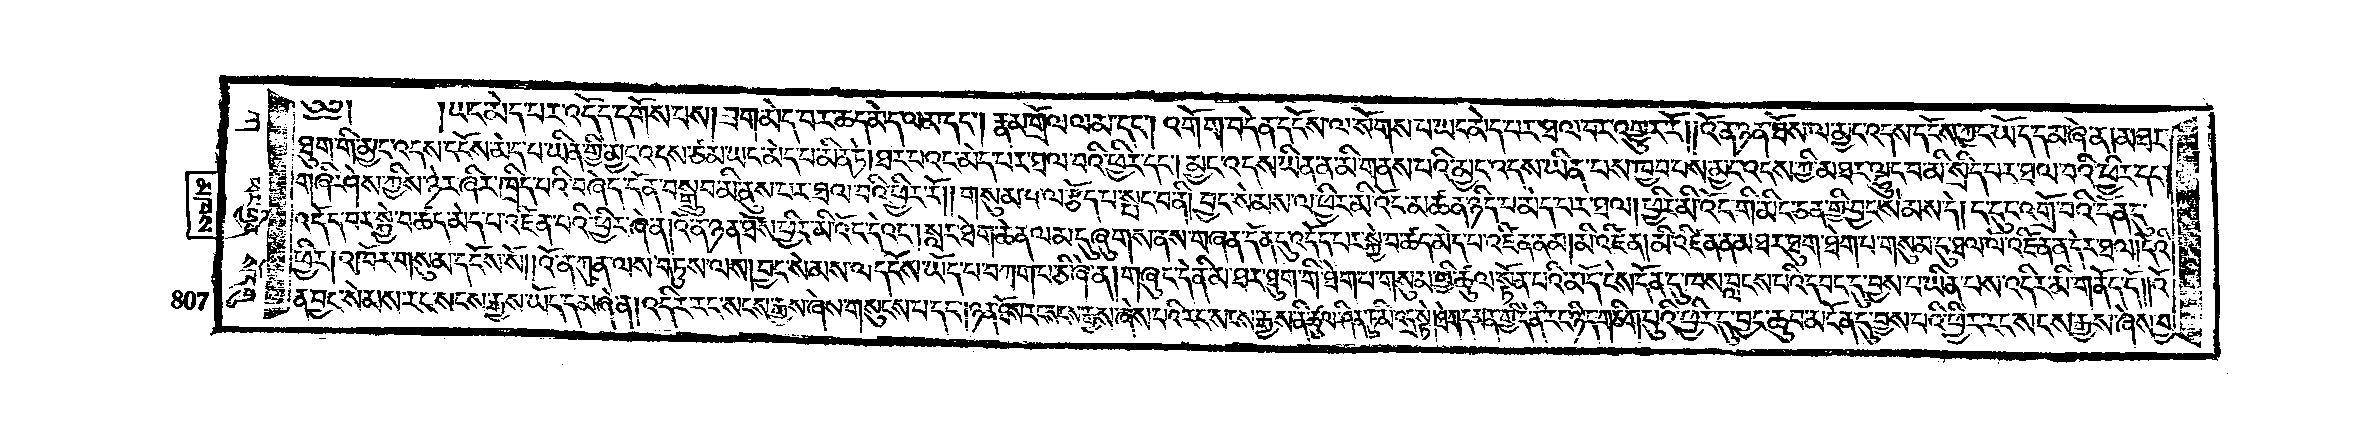༄༅། །ཡང་མེད་པར་འདོད་དགོས་པས། ཟག་མེད་བར་ཆད་མེད་ལམ་དང་། རྣམ་གྲོལ་ལམ་དང་། འགོག་བདེན་དངོས་ལ་སོགས་པ་ཡང་མེད་པར་ཐལ་བར་འགྱུར་རོ། །འོ་ན་ཉན་ཐོས་ལ་མྱང་འདས་དངོས་ཀྱང་ཡོད་དམ་ཞེ་ན། མཐར་
ཐུག་གི་མྱང་འདས་དངོས་མེད་པ་ཡིན་གྱི་མྱང་འདས་ཙམ་ཡང་མེད་པ་མིན་ཏེ། ཐར་པའང་མེད་པར་ཐལ་བའི་ཕྱིར་དང་། མྱང་འདས་ཡིན་ན་མི་གནས་པའི་མྱང་འདས་ཡིན་པས་ཁྱབ་པས་མྱང་འདས་ཀྱི་མཐར་ལྷུང་བ་མི་སྲིད་པར་ཐལ་བའི་ཕྱིར་དང་
གཞི་ཤེས་ཀྱིས་ཉེར་ཞིར་ཁྲིད་པའི་བཞེད་དོན་བསྒྲུབ་མི་ནུས་པར་ཐལ་བའི་ཕྱིར་རོ། །གསུམ་པ་ལ་རྩོད་པ་སྤང་བ་ནི། བྱང་སེམས་ལ་ཕྱིར་མི་འོང་མཚན་ཉིད་པ་མེད་པར་ཐལ། ཕྱིར་མི་འོང་གི་མིང་ཅན་གྱི་བྱང་སེམས་དེ། ད་དུང་འགྲོ་བའི་དོན་དུ་
འདོད་པར་སྐྱེ་བ་ཚད་མེད་པ་འཛིན་པའི་ཕྱིར་ཞེ་ན། འོ་ན་ཉན་ཐོས་ཕྱིར་མི་འོང་དེའང་། སླར་ཐེག་ཆེན་ལམ་དུ་ཞུགས་ནས་གཞན་དོན་དུ་འདོད་པར་སྐྱེ་བ་ཚད་མེད་པ་འཛིན་ནམ། མི་འཛིན། མི་འཛིན་ན་མཐར་ཐུག་ཐེག་པ་གསུམ་དུ་ཐལ་ལོ་འཛིན་ན་དེར་ཐལ། དེའི་
ཕྱིར། འཁོར་གསུམ་དངོས་སོ། །འོ་ན་ཀུན་ལས་བཏུས་ལས། བྱང་སེམས་ལ་དངོས་ཡོད་པ་བཀག་པ་ཅི་ཞེ་ན། གཞུང་དེ་ནི་མཐར་ཐུག་གི་ཐེག་པ་གསུམ་གྱི་ཚུལ་སྟོན་པའི་མདོ་ངེས་དོན་དུ་ཁས་བླངས་པའི་དབང་དུ་བྱས་པ་ཡིན་པས་འདིར་མི་གནོད་དོ། །འོ་
ན་བྱང་སེམས་རང་སངས་རྒྱས་ཡོད་དམ་ཞེ་ན། འདིར་རང་སངས་རྒྱས་ཞེས་གསུངས་པ་དང་། ཉན་ཐོས་རང་སངས་རྒྱས་ཞེས་པའི་རང་སངས་རྒྱས་ནི་ཚུལ་ཤིན་ཏུ་མི་འདྲ་སྟེ། ཐེག་དམན་གྱི་དེ་ནི་རང་ཉིད་གཅིག་པུའི་ཕྱིར་དུ་བྱང་ཆུབ་མངོན་དུ་བྱས་པའི་ཕྱིར་རང་སངས་རྒྱས་ཞེས་བྱ་